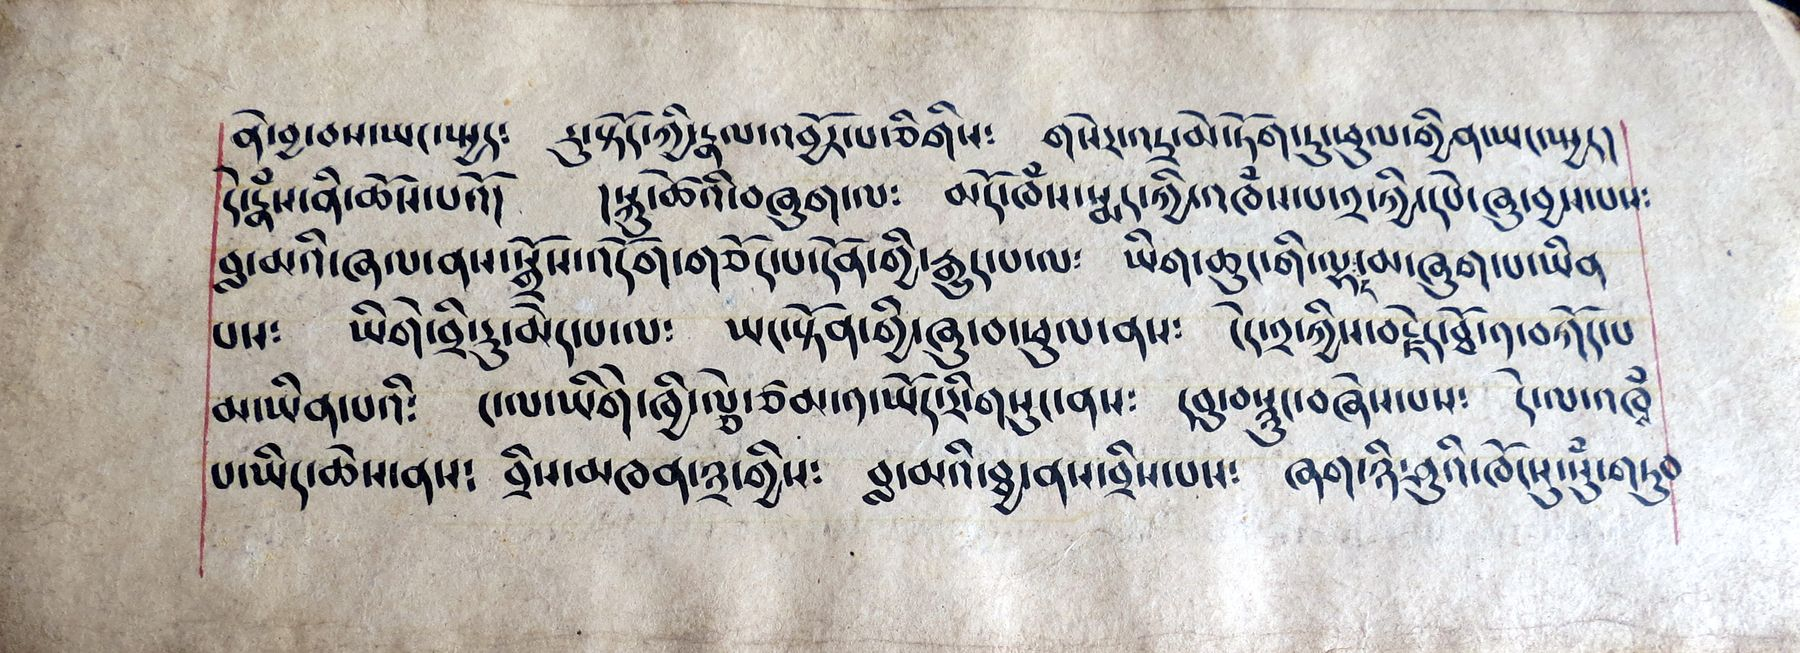ནེ་བྱ་བས་ཡང་སྤྱད། རུ་སྟོད་ཀྱི་རྣལ་འབྱོར་པ་གཅིག་གིས། གསེར་འདྲ་མེ་ཏོག་ཏུ་ཕུལ་གྱིན་ཀྱང་སྤྱད། 
དེ་རྣམས་ནི་ཆོས་པའོ། །སྐུ་ཚེའི་གཞུག་ལ། མདོ་ཁམས་སྨད་ཀྱི་ཁམས་པ་གཉིས་ཀྱིས་དཔེ་ཞུ་བྱས་པས། 
བླ་མའི་ཞལ་ནས་སྒྲོས་འདོགས་གཅོད་པ་དོན་གྱི་བརྒྱུད་པ་ལ། ཡིག་ཆུང་གི་ལྷད་མ་ཞུགས་པ་ཡིན་
པས། ཡི་གེ་འབྲི་རུ་མེད་པ་ལ། ཡང་སྟོན་གྱིས་ཞུ་བ་ཕུལ་ནས། ངེད་གཉིས་ཀྱིས་བརྗེད་ཐོ་ཅིག་བཀོད་པ་
མ་ཡིན་པའི། ང་ལ་ཡི་གེ་ཁྱི་ལྕེ་ཙམ་གཅིག་ཡོད་རེ་གསུངས་ནས། དབུ་བསྙུང་བཞེས་པས། དེ་ལ་ཁམས་པ་
ཡིད་ཆེས་ནས། བྲིས་མཁན་གསུམ་གྱིས་བླ་མའི་ཐུགས་ནས་བྲིས་པས། ཞག་ཉི་ཤུའི་ཁོངས་སུ་སུམ་བཏུབ་